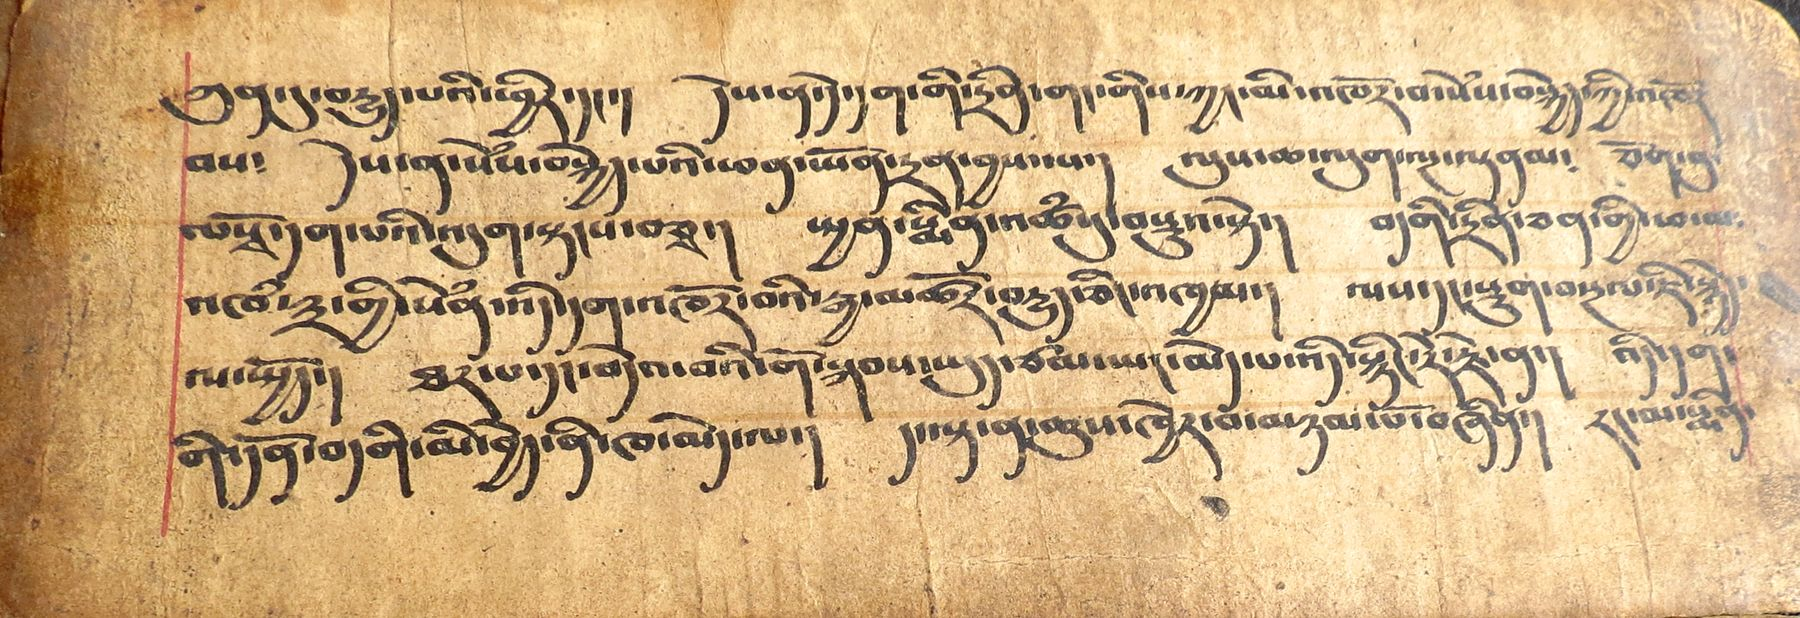ཀུན་ཏུ་བརྒྱུད་པའི་ཕྱིར་དང་། དེས་ན་དེ་དག་གི་དྲིན་གང་གིས་ཀྱང་མི་འཁོར་བ། སེམས་བསྐྱེད་ཀྱིས་འཁོར་
བས། དེས་ན་སེམས་བསྐྱེད་ཀྱི་ཕན་ཡོན་དྲན་པར་བྱ་ལ་ལུས་ཆ་ལུགས་ལྔ་ལྡན་ནམ་ཙོག་པུ་
ལ་སོགས་དག་པའི་འདུག་སྟངས་བཅའ། སྤྱན་སྨིན་མཚམས་སུ་སྡུད་དེ། བདག་གི་དྲིན་ཅན་གྱི་ཕ་མ་
ཁམས་གསུམ་གྱི་སེམས་ཅན་འདི་དག་འཁོར་བའི་རྒྱ་མཚོ་རྒྱུད་ཅིང་འཁྱམས། ལས་དང་སྡུག་བསྔལ་ཇི་སྙེད་
ལ་སྤྱོད། ཐར་པ་དང་བདེ་བའི་གོ་སྐབས་དར་ཙམ་མེད་པ་འདི་སྙིང་རེ་རྗེ། འདི་དག་
གི་དོན་བདག་གིས་མི་བྱེད་ནི་ཁ་མེད་ལ། ད་ལྟ་ནི་ཆུས་ཁྱེར་བ་མཉམ་པོ་བཞིན། རང་མ་སྨིན་